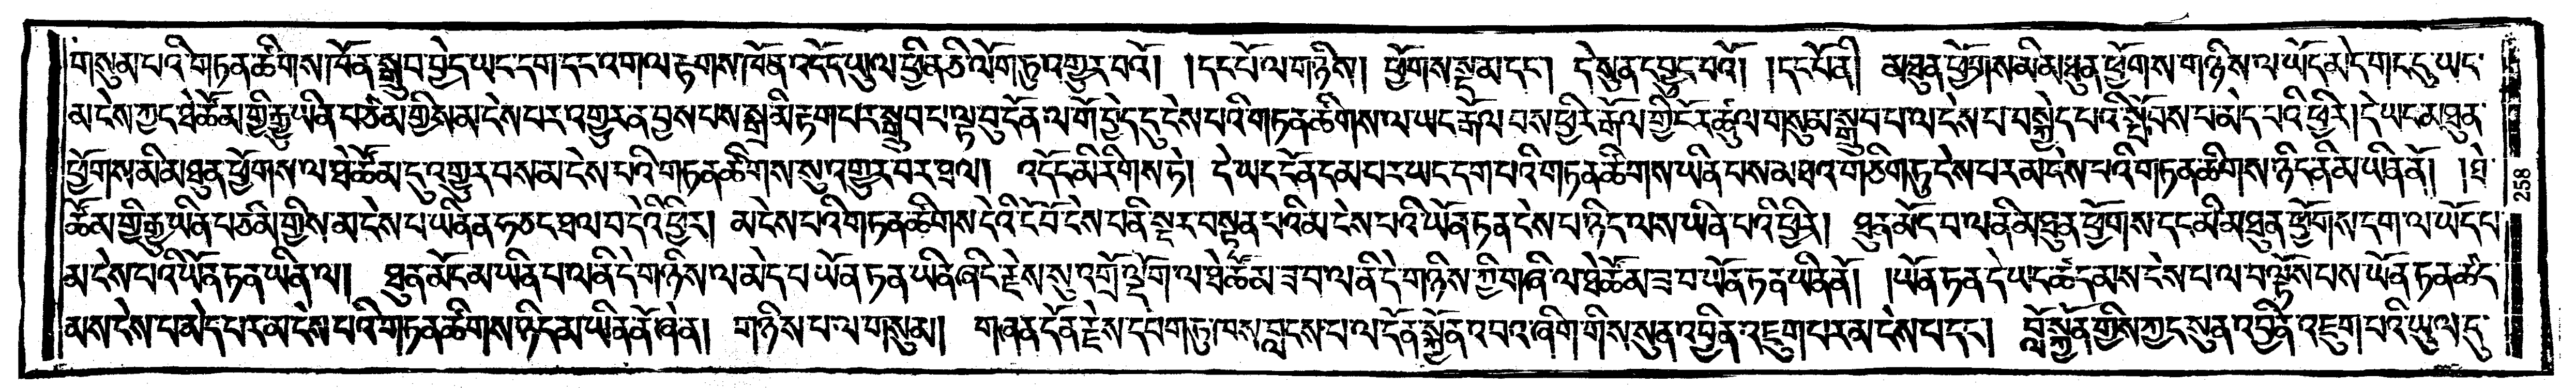གསུམ་པའི་གཏན་ཚིགས་ཁོ་ན་སྒྲུབ་བྱེད་ཡང་དག་དང་འགལ་རྟགས་ཁོ་ན་འདོད་ཡུལ་ཕྱིན་ཅི་ལོག་ཏུ་འགྱུར་བའོ། །དང་པོ་ལ་གཉིས། ཕྱོགས་སྔ་མ་དང་། དེ་སུན་དབྱུང་བའོ། །དང་པོ་ནི། མཐུན་ཕྱོགས་མི་མཐུན་ཕྱོགས་གཉིས་ལ་ཡོད་མེད་གང་དུ་ཡང་
མ་ངེས་ཀྱང་ཐེ་སོམ་གྱི་རྒྱུ་ཡིན་པ་ཙམ་གྱིས་མ་ངེས་པར་འགྱུར་ན་བྱས་པས་སྒྲ་མི་རྟག་པར་སྒྲུབ་པ་ལྟ་བུ་དོན་ལ་གོ་བྱེད་དུ་ངེས་པའི་གཏན་ཚིགས་ལ་ཡང་རྒོལ་བས་ཕྱིར་རྒོལ་གྱི་ངོར་ཚུལ་གསུམ་སྒྲུབ་པ་ལ་ངེས་པ་བསྐྱེད་པའི་སྤོབས་པ་མེད་པའི་ཕྱིར། དེ་ཡང་མཐུན་
ཕྱོགས་མི་མཐུན་ཕྱོགས་ལ་ཐེ་ཚོམ་དུ་འགྱུར་བས་མ་ངེས་པའི་གཏན་ཚིགས་སུ་འགྱུར་བར་ཐལ། འདོད་མི་རིགས་ཏེ། དེ་ཡང་དོན་དམ་པར་ཡང་དག་པའི་གཏན་ཚིགས་ཡིན་པས་མཐའ་གཅིག་ཏུ་ངེས་པར་མ་ངེས་པའི་གཏན་ཚིགས་ཉིད་ནི་མ་ཡིན་ནོ། །ཐེ་
ཚོམ་གྱི་རྒྱུ་ཡིན་པ་ཙམ་གྱིས་མ་ངེས་པ་ཡིན་ན་ཧ་ཅང་ཐལ་བ་དེའི་ཕྱིར། མ་ངེས་པའི་གཏན་ཚིགས་དེའི་ངོ་བོ་ངེས་པ་ནི་སྔར་བསྟན་པའི་མ་ངེས་པའི་ཡོན་ཏན་ངེས་པ་ཉིད་ལས་ཡིན་པའི་ཕྱིར། ཐུན་མོང་བ་ལ་ནི་མཐུན་ཕྱོགས་དང་མི་མཐུན་ཕྱོགས་དག་ལ་ཡོད་པ་
མ་ངེས་པའི་ཡོན་ཏན་ཡིན་ལ། ཐུན་མོང་མ་ཡིན་པ་ལ་ནི་དེ་གཉིས་ལ་མེད་པ་ཡོན་ཏན་ཡིན་ཞིང་རྗེས་སུ་འགྲོ་ལྡོག་ལ་ཐེ་ཚོམ་ཟ་བ་ལ་ནི་དེ་གཉིས་ཀྱི་གཞི་ལ་ཐེ་ཚོམ་ཟ་བ་ཡོན་ཏན་ཡིན་ནོ། །ཡོན་ཏན་དེ་ཡང་ཚད་མས་ངེས་པ་ལ་བལྟོས་པས་ཡོན་ཏན་ཚད་
མས་ངེས་པ་མེད་པར་མ་ངེས་པའི་གཏན་ཚིགས་ཉིད་མ་ཡིན་ནོ་ཞེ་ན། གཉིས་པ་ལ་གསུམ། གཞན་དོན་རྗེས་དཔག་ཏུ་ཁས་བླངས་པ་ལ་དོན་སྐྱོན་འབའ་ཞིག་གིས་སུན་འབྱིན་འཇུག་པར་མ་ངེས་པ་དང་། བློ་སྐྱོན་གྱིས་ཀྱང་སུན་འབྱིན་འཇུག་པའི་ཡུལ་དུ་